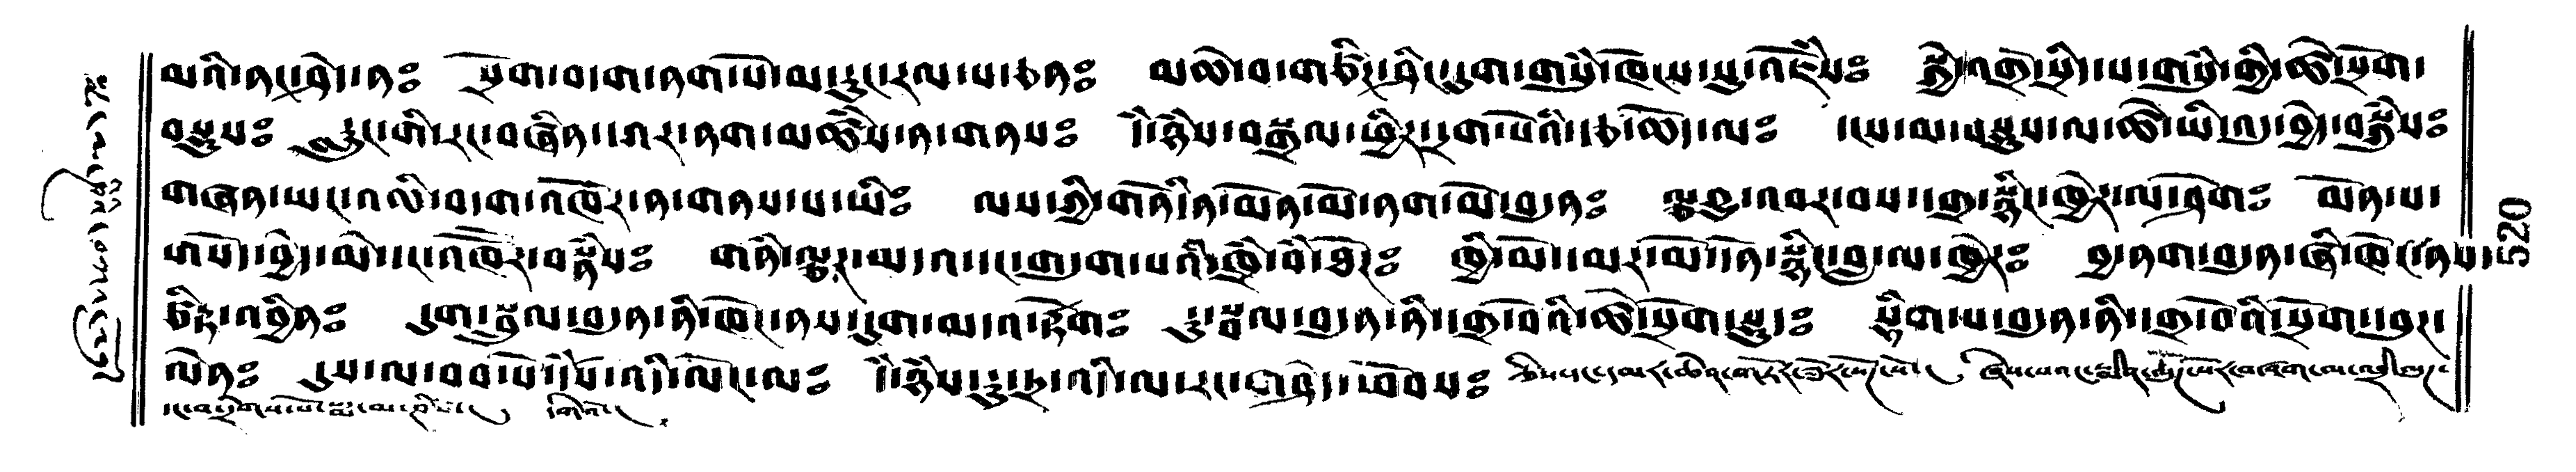མའི་ནང་གཤེད་ན༔ སྲོག་བདག་ནག་པོ་མ་རུང་རལ་པ་ཅན༔ མཆེ་བ་གཙིགས་ཤིང་དུག་གསུམ་ཁོངས་སུ་འཇོམས༔ སྐྱེ་འགྲོ་སྲིད་པ་གསུམ་གྱི་ཚེ་སྲོག་
བསྡུས༔ རླུང་གི་རང་བཞིན་དཀར་ནག་མཚམས་ན་གནས༔ དམ་ཉམས་སྒྲོལ་ཕྱིར་དྲག་པོའི་རྩ་ཆོད་ལ༔ དྭངས་མ་བསྡུས་ལ་ཚེ་ཡི་འདུ་བྱེད་ཁུམ༔ 
གཞན་ཡང་འཆི་བདག་འཁོར་ན་གནས་པ་ཡི༔ ལས་ཀྱི་གནོད་སྦྱིན་མོན་མོ་ནག་མོ་བདུད༔ ལྕགས་ཀྱུ་འབར་བས་དགྲ་སྙིང་ཁྱེར་ལ་ཤོག༔ མོན་པ་
གསོད་བྱེད་མེ་དང་འཁོར་ལོ་བསྣམས༔ གནམ་ལྕགས་མདའ་དང་གདུག་པའི་ཁྲཾ་བཾ་ཐོགས༔ ཁྱི་མོ་དམར་མོ་དོན་སྙིང་བླ་ལ་ཁྱེར༔ བྱ་ནག་བདུན་ཞི་ཁོང་ནས་
ཙིཏྟ་འབྱིན༔ དུག་སྦྲུལ་བདུན་ནི་ཁོང་ནས་དུག་མདའ་རྟོག༔ རུས་སྦལ་བདུན་ནི་དགྲ་བོའི་ཚེ་སྲོག་སྡུད༔ སྡིག་པ་བདུན་ནི་དགྲ་བོའི་སྲོག་དབུགས་
ལེན༔ དུས་ལ་བབ་པོ་དམ་རྫས་འདི་ལོངས་ལ༔ དམ་ཉམས་རུ་ཏྲ་འདི་ལ་རང་གཤེད་ཕོབས༔ ཅེས་དང་དམར་ཆེན་གཏོར་ཟོར་སོགས་སོ། ཞེས་པའང་སྨིན་ལུགས་སོར་བཞག་ལ་འབྲི་ལུགས་
དང་ཡང་ཅུང་ཟད་མཐུར་པར་པདྨ་མ་ཎིས་སོ།། དགེའོ།། །།